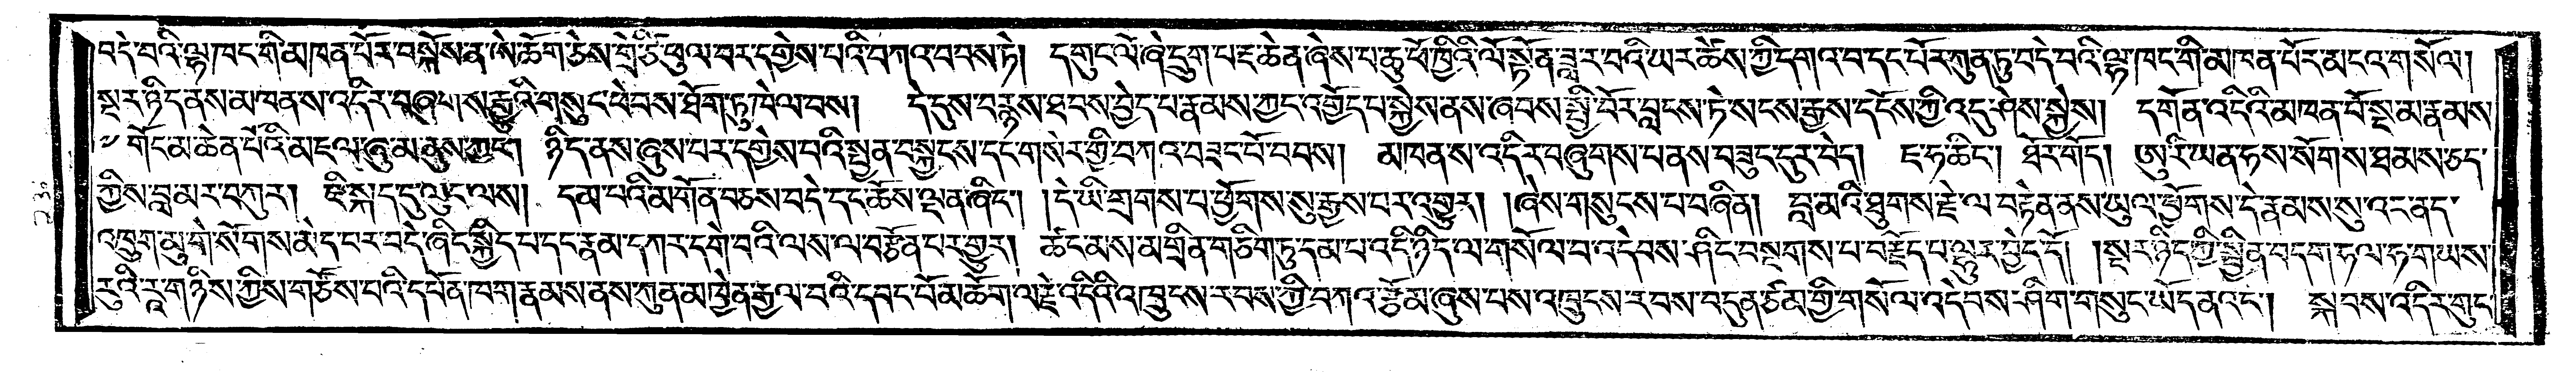བདེ་བའི་ལྷ་ཁང་གི་མཁན་པོར་བསྐོས་ན་ཨེ་ཆོག་ཅེས་གྲེ་ཙི་ཕུལ་བར་དགྱེས་པའི་བཀའ་བབས་ཏེ། དགུང་ལོ་ཞེ་དྲུག་པ་རྒན་ཆེན་ཞེས་པ་ཆུ་ཕོ་ཁྱིའི་ལོ་སྟོན་ཟླ་ར་བའི་ཡར་ཚེས་ཀྱི་དགའ་བ་དང་པོར་ཀུན་ཏུ་བདེ་བའི་ལྷ་ཁང་གི་མཁན་པོར་མངའ་གསོལ།
སྔར་ཉིད་ནས་མཁན་ས་འདིར་བཞུགས་རྒྱུའི་གསུང་ཕེབས་ཐོག་ཏུ་ཁེལ་བས། དེ་དུས་བརྙས་ཐབས་བྱེད་པ་རྣམས་ཀྱང་འགྱོད་པ་སྐྱེས་ནས་ཞབས་སྤྱི་བོར་བླངས་ཏེ་སངས་རྒྱས་དངོས་ཀྱི་འདུ་ཤེས་སྐྱེས། དགོན་འདིའི་མཁན་པོ་སྔ་མ་རྣམས་
༧་གོང་མ་ཆེན་པོའི་མཇལ་ཞུ་མ་ནུས་ཀྱང་། ཉིད་ནས་ཞུས་བར་དགྱེས་པའི་སྤྱན་བསྐྱངས་དང་གསེར་གྱི་བཀའ་བཟང་པོ་བབས། མཁན་ས་འདིར་བཞུགས་པ་ནས་བཟུང་དུར་བདེ། ཇ་ཧ་ཆིང་། ཐོར་གོད། ཨུ་རི་ཡན་ཧས་སོགས་ཐམས་ཅད་
ཀྱིས་བླ་མར་བཀུར། ཇི་སྐད་དུ་ལུང་ལས། དམ་པའི་མགོན་བཅས་བདེ་དང་ཆོས་ལྡན་ཞིང་། །དེ་ཡི་གྲགས་པ་ཕྱོགས་སུ་རྒྱས་པར་འགྱུར། །ཞེས་གསུངས་པ་བཞིན། བླ་མའི་ཐུགས་རྗེ་ལ་བརྟེན་ནས་ཡུལ་ཕྱོགས་དེ་རྣམས་སུ་འང་ནད་
འཁྲུག་མུ་གེ་སོགས་མེད་པར་བདེ་ཞིང་སྐྱིད་བ་དང་རྣམ་དཀར་དགེ་བའི་ལས་ལ་བརྩོན་པར་གྱུར། ཚང་མས་མགྲིན་གཅིག་ཏུ་དམ་པ་འདི་ཉིད་ལ་གསོལ་བ་འདེབས་ཤིང་བསྔགས་པ་བརྗོད་པ་ལྷུར་བྱེད་དོ། །སྔར་ཉིད་ཀྱི་སྦྱིན་བདག་ཧལ་ཧ་གཡས་
རུའི་རཱ་གཉིས་ཀྱིས་གཙོས་པའི་དཔོན་ཁག་རྣམས་ནས་ཀུན་མཁྱེན་རྒྱལ་བའི་དབང་པོ་མཆོག་ལ་རྗེ་འདིའི་འཁྲུལ་རབས་ཀྱི་བཀའ་རྩོམ་ཞུས་པས་འཁྲུངས་རབས་བདུན་ཙམ་གྱི་གསོལ་འདེབས་ཤིག་གསུང་ཡོད་ནའང་། སྐབས་འདིར་གུང་